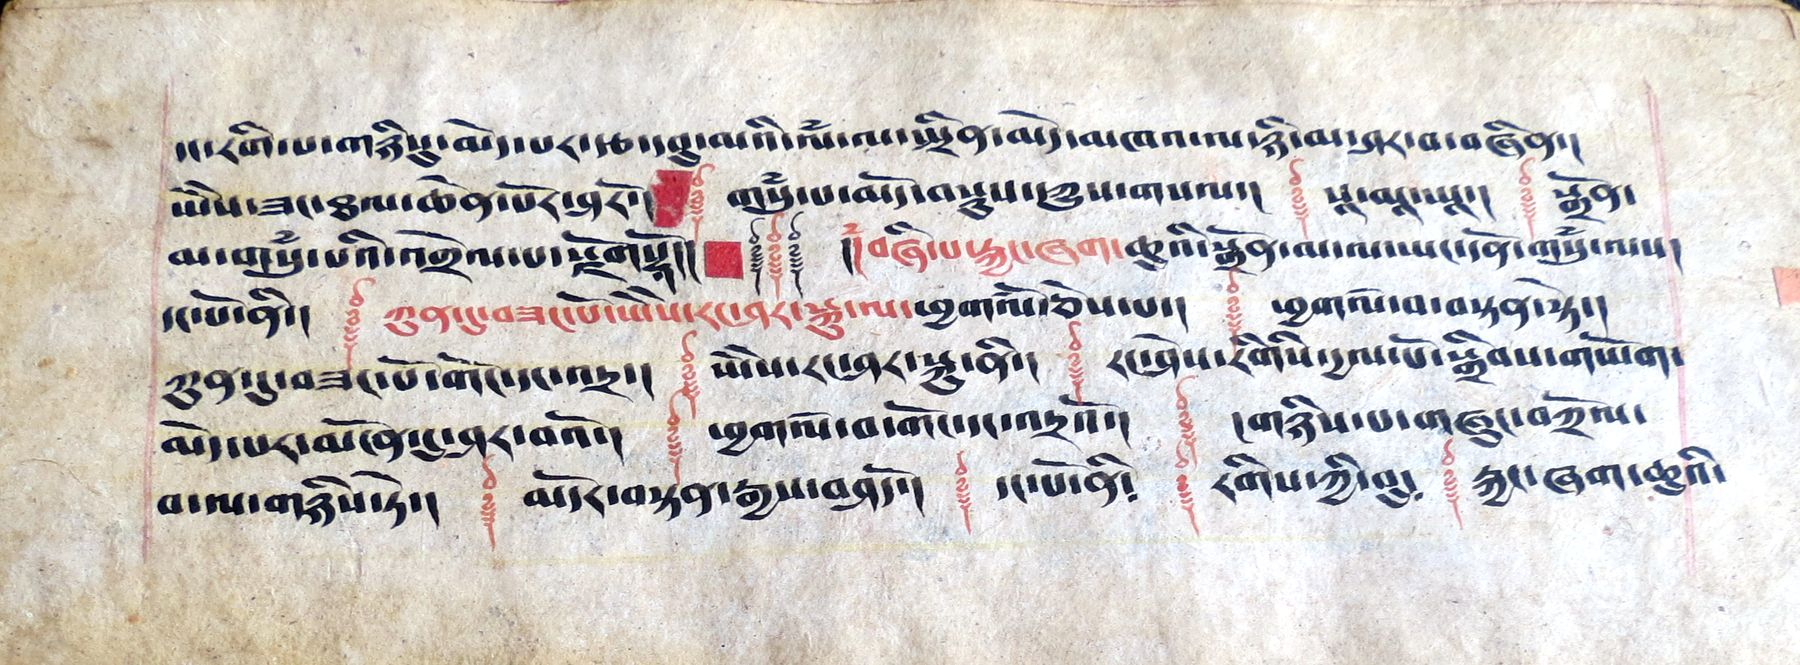དང་རིག་པ་གཉིས་སུ་མེད་པར། རྩ་དབུ་མའི་ལམ་ལ་སྤྲིན་མེད་མཁའ་ལ་ཉི་མ་ཤར་བ་བཞིན། 
ཡེ་ཤེས་ཟང་ཐལ་ཆེན་པོར་ཤར་རོ། །གསུམ་པ་མདོར་བསྡུ་དཀྱུས་གསལ། ས་མ་ཡ། །སྒྲོན་
མ་གསུམ་པའི་འགྲེལ་པ་རྫོགས་སོ། །ཏ༽ བཞི་པ། རྒྱང་ཞགས་ཆུའི་སྒྲོན་མ་ལ་ཡང་དོན་གསུམ་ལས། 
དང་པོ་ནི། ཀུན་ཏུ་བཟང་པོ་ཡེ་ཤེས་རང་ཤར་སྐུ་ལ་ཕྱག་འཚལ་ལོ། ། ཞེས་པས། ཕྱག་འཚལ་བ་བསྟན་ཏེ། 
ཀུན་ཏུ་བཟང་པོ་ནི་གོང་དང་འདྲ། ཡེ་ཤེས་རང་ཤར་སྐུ་ནི། རང་ཤེས་རིག་གི་རྒྱལ་པོ་སྒྲིབ་གཡོགས་
མེད་པར་མངོན་དུ་ཤར་བའོ། །ཕྱག་འཚལ་བ་གོང་དང་འདྲའོ། །གཉིས་པ་གཞུང་བཀྲོལ་
བ་ལ་གཉིས་ཏེ། མདོར་བསྟན་རྒྱས་བཤད་དོ། །དང་པོ་ནི། རིགས་ཀྱི་བུ། རྒྱང་ཞགས་ཆུའི་